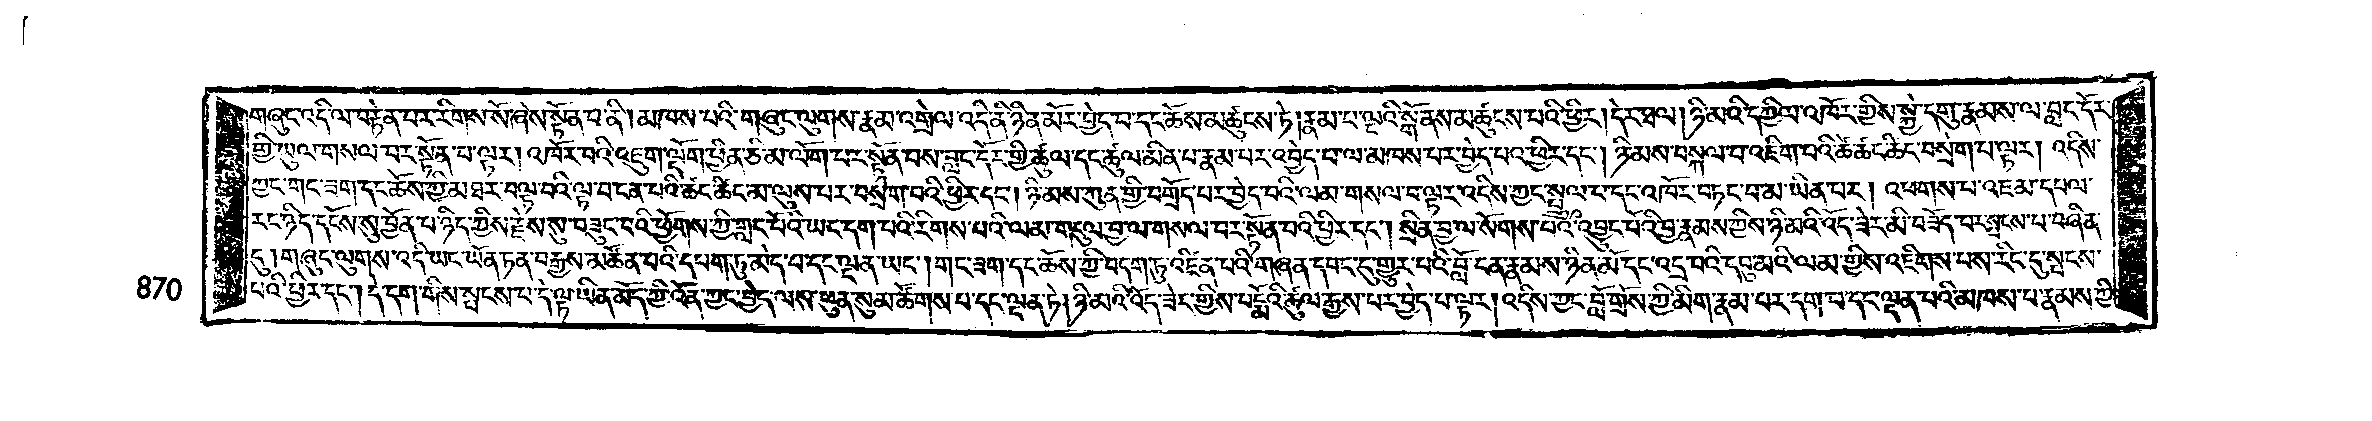གཞུང་འདི་ལ་བརྟེན་པར་རིགས་སོ་ཞེས་སྟོན་པ་ནི། མཁས་པའི་གཞུང་ལུགས་རྣམ་འགྲེལ་འདི་ནི་ཉིན་མོར་བྱེད་པ་དང་ཆོས་མཚུངས་ཏེ། རྣམ་པ་ལྔའི་སྒོ་ནས་མཚུངས་པའི་ཕྱིར། དེར་ཐལ། ཉི་མའི་དཀྱིལ་འཁོར་གྱིས་སྐྱེ་དགུ་རྣམས་ལ་བླང་དོར་
གྱི་ཡུལ་གསལ་བར་སྟོན་པ་ལྟར། འཁོར་བའི་འཇུག་ལྡོག་ཕྱིན་ཅི་མ་ལོག་པར་སྟོན་པས་བླང་དོར་གྱི་ཚུལ་དང་ཚུལ་མིན་པ་རྣམ་པར་འབྱེད་པ་ལ་མཁས་པར་བྱེད་པའི་ཕྱིར་དང་། ཉི་མས་བསྐལ་བ་འཇིག་པའི་ཚེ་ཚད་ཚང་བསྲེག་པ་ལྟར། འདིས་
ཀྱང་གང་ཟག་དང་ཆོས་ཀྱི་མཐར་བལྟ་བའི་ལྟ་བ་ངན་པའི་ཚང་ཚང་མ་ལུས་པར་བསྲེག་པའི་ཕྱིར་དང་། ཉི་མས་ཀུན་གྱི་བགྲོད་པར་བྱེད་པའི་ལམ་གསལ་བ་ལྟར་འདིས་ཀྱང་སྤྲུལ་པ་དང་འཁོར་བཏང་བ་མ་ཡིན་པར། འཕགས་པ་འཇམ་དཔལ་
རང་ཉིད་དངོས་སུ་བྱོན་པ་ཉིད་ཀྱིས་རྗེས་སུ་བཟུང་བའི་ཕྱོགས་ཀྱི་གླང་པོའི་ཡང་དག་པའི་རིགས་པའི་ལམ་གདུལ་བྱ་ལ་གསལ་བར་སྟོན་པའི་ཕྱིར་དང་། སྲིན་བྱ་ལ་སོགས་པའི་འབྱུང་པོའི་བྱ་རྣམས་ཀྱིས་ཉི་མའི་འོད་ཟེར་མི་བཟོད་པར་སྤངས་པ་བཞིན་
དུ། གཞུང་ལུགས་འདི་ཡང་ཡོན་ཏན་བརྒྱས་མཚོན་པའི་དཔག་ཏུ་མེད་པ་དང་ལྡན་ཡང་། གང་ཟག་དང་ཆོས་ཀྱི་བདག་ཏུ་འཛིན་པའི་གཞན་དབང་དུ་གྱུར་པའི་བློ་ངན་རྣམས་ཉིན་མོ་དང་འདྲ་བའི་དབུ་མའི་ལམ་གྱིས་འཇིགས་པས་རིང་དུ་སྤངས་
པའི་ཕྱིར་དང་། དེ་དག་གིས་སྤངས་པ་དེ་ལྟ་ཡིན་མོད་ཀྱི་འོན་ཀྱང་བྱེད་ལས་ཕུན་སུམ་ཚོགས་པ་དང་ལྡན་ཏེ། ཉི་མའི་འོད་ཟེར་གྱིས་པདམོའི་?་ཚུལ་རྒྱས་པར་བྱེད་པ་ལྟར། འདིས་ཀྱང་བློ་གྲོས་ཀྱི་མིག་རྣམ་པར་དག་པ་དང་ལྡན་པའི་མཁས་པ་རྣམས་ཀྱི་